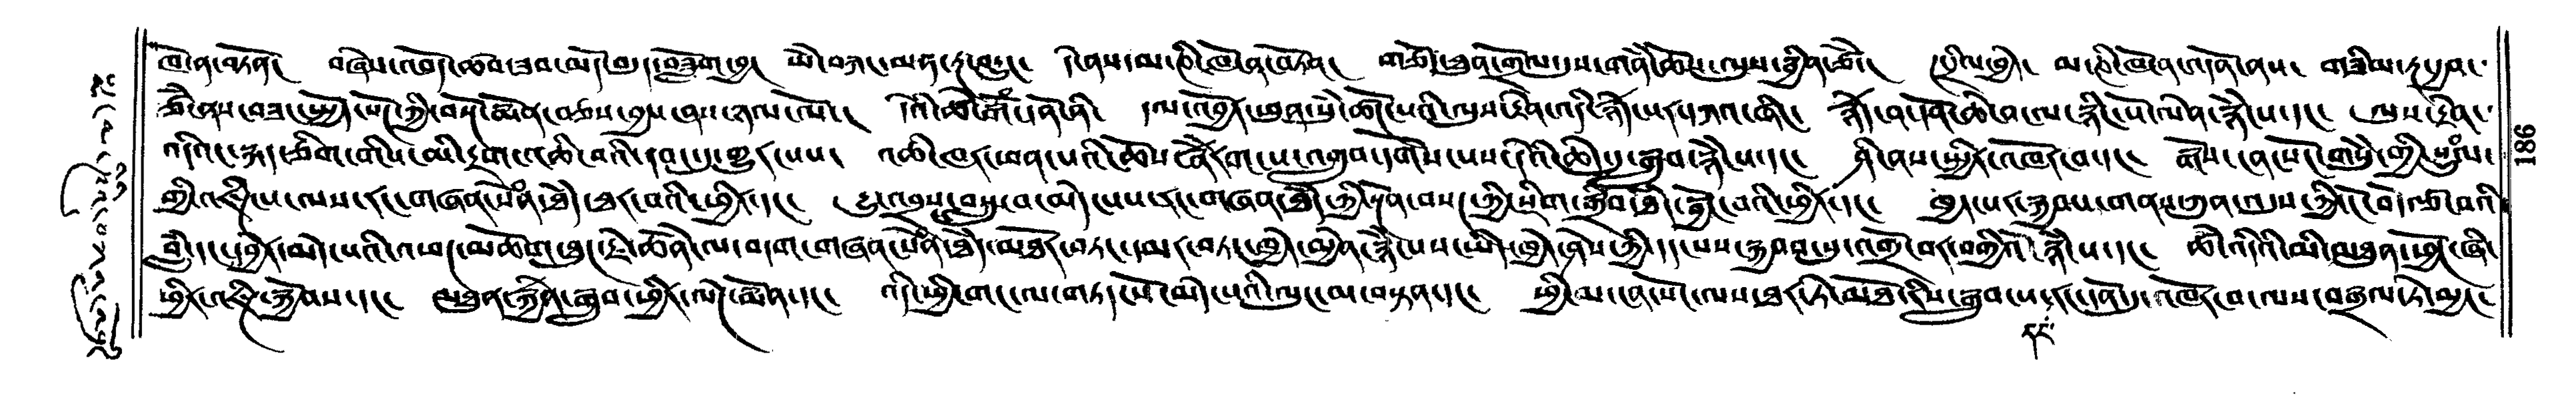ཁོ་ན་འདོན། བཞེས་འབོད་ཚབ་ཟབ་མདོ་བདུད་ཟློག་བྱ། ཡམ་བསྐང་མན་རྔ་བརྡུང་། དེ་ནས་མ་ཎི་ཁོ་ན་འདོན། གཅོད་ཐུན་གྲོལ་དུས་གནམ་ཆོས་ལུས་སྦྱིན་ཙམ། ཌཱ་དྲིལ་བྱེད། མ་ཎི་ཁོ་ན་བཏཽན་ནས། གཟིམ་རྔ་རྒྱབ་
ཙམ་ནས་བཟང་སྤྱོད་སོགས་ཀྱི་བསྔོ་སྨོན་བཅས་བྱས་ནས་ཉལ་ལོ།། དེའི་ཚེ་སྒོམ་དོན་ནི། དལ་འབྱོར་ཕུན་སུམ་ཚོགས་པའི་ལུས་རྟེན་འདི་རྙེད་པར་དཀའ་ཞིང་། རྙེད་ན་དོན་ཆེ་བ་ལ་སྙིང་པོ་ལེན་སྙམ་པ་དང་། ལུས་རྟེན་
འདིའང་སྐད་ཅིག་གིས་མི་རྟག་འཆི་བའི་དབང་དུ་གྱུར་པས། འཆི་ཁར་ཕན་པའི་ཆོས་རྣམ་པར་དག་པ་འགྲུབ་དགོས་པས་དེའི་ཆེད་དུ་སྒྲུབ་སྙམ་པ་དང་། ཤི་ནས་སྤྱིར་འཁོར་བ་དང་། སྒོས་ངན་སོང་གསུམ་གྱི་སྡུག་བསྔལ་
གྱི་འཇིགས་པ་ལས་རང་གཞན་སེམས་ཅན་ཐམས་ཅད་ཐར་བའི་ཕྱིར་དང་། རྒྱུ་འབྲས་བསླུ་བ་མེད་པས་རང་གཞན་ཐམས་ཅད་ཀྱི་སྔོན་བསགས་ཀྱི་སྡིག་སྒྲིབ་ཐམས་ཅད་སྦྱོང་བའི་ཕྱིར་དང་། ཁྱད་པར་སྐྱབས་གནས་ཀུན་འདུས་ཀྱི་ངོ་བོ་རྩ་བའི་
བླ་མ་དང་དབྱེར་མེད་པའི་འཕགས་མཆོག་ཐུགས་རྗེ་ཆེན་པོ་ལ་བདག་གཞན་སེམས་ཅན་ཐམས་ཅད་མཐོར་གཏོང་དམར་གཏོང་ཁྱེད་མཁྱེན་སྙམ་པས་ཡིད་ཁྱེདཤེས་ཀྱི་དད་པས་སྐྱབས་སུ་འགྲོ་བར་བགྱིའོ་སྙམ་པ་དང་། ཚེ་འདིའི་མི་མཐུན་ཕྱོགས་ཞི་
ཕྱིར་འཇིགས་སྐྱོབ་དང་། མཐུན་རྐྱེན་སྒྲུབ་ཕྱིར་ལེགས་སྨོན་དང་། འདི་ཕྱི་གང་ལ་གཏད་སོ་མེད་པའི་ལུང་མ་བསྟན་དང་། ཕྱི་མ་ངན་སོང་ལས་ཐར་ཏེ་མཐོ་རིས་སྒྲུབ་པ་དང་རང་དོན་དུ་འཁོར་བ་ལས་བྲལ་ཏེ་མྱང་